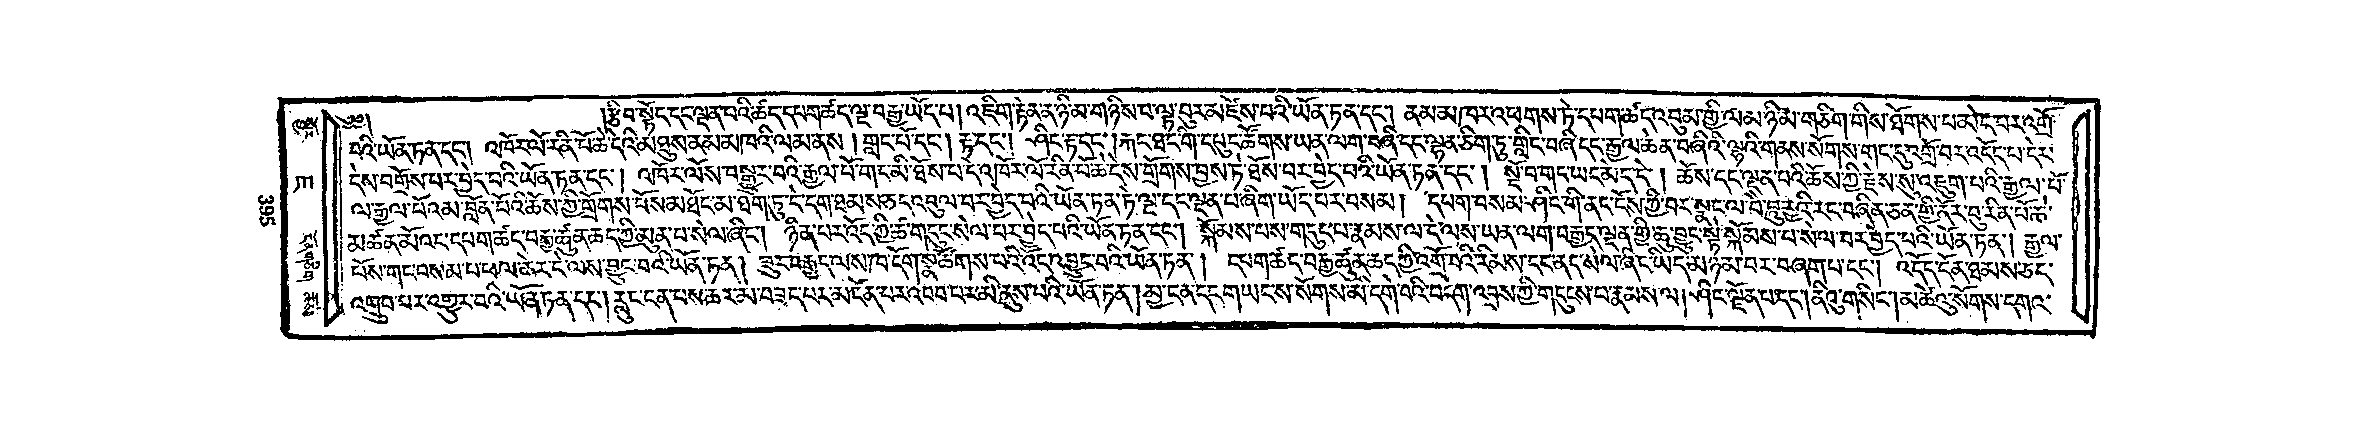༄༅། །རྩིབ་སྟོང་དང་ལྡན་པའི་ཚད་དཔག་ཚད་ལྔ་བརྒྱ་ཡོད་པ། འཇིག་རྟེན་ན་ཉི་མ་གཉིས་པ་ལྟ་བུར་མཛེས་པའི་ཡོན་ཏན་དང་། ནམ་མཁར་འཕགས་ཏེ་དཔག་ཚད་འབུམ་གྱི་ལམ་ཉི་མ་གཅིག་གིས་ཐོགས་པ་མེད་པར་འགྲོ་
བའི་ཡོན་ཏན་དང་། འཁོར་ལོ་རིན་པོ་ཆེ་དེའི་མཐུས་ནམ་མཁའི་ལམ་ནས། གླང་པོ་དང་། རྟ་དང་། ཤིང་རྟ་དང་། རྐང་ཐང་གི་དཔུང་ཚོགས་ཡན་ལག་བཞི་དང་ལྷན་ཅིག་ཏུ་གླིང་བཞི་དང་རྒྱལ་ཆེན་བཞིའི་ལྷའི་གནས་སོགས་གང་དུ་འགྲོ་བར་འདོད་པ་དེར་
དེས་བགྲོས་པར་བྱེད་པའི་ཡོན་ཏན་དང་། འཁོར་ལོས་བསྒྱུར་བའི་རྒྱལ་པོ་གང་མི་ཐོས་པ་དེ་འཁོར་ལོ་རིན་པོ་ཆེ་དེས་གྲོགས་བྱས་ཏེ་ཐོས་པར་བྱེད་པའི་ཡོན་ཏན་དང་། སྔོ་བ་གང་ཡང་མེད་དེ། ཆོས་དང་ལྡན་པའི་ཆོས་ཀྱི་རྗེས་སུ་འཇུག་པའི་རྒྱལ་པོ་
ལ་རྒྱལ་པོའམ་བློན་པོའི་ཆོས་ཀྱི་གྲོགས་པོས་མཐོང་མ་ཐག་ཏུ་དེ་དག་ཐམས་ཅད་འབུལ་བར་བྱེད་པའི་ཡོན་ཏན་ཏེ་ལྔ་དང་ལྡན་པ་ཞིག་ཡོད་པར་བསམ། དཔག་བསམ་ཤིང་གི་ནད་ངོས་ཀྱི་བར་སྣང་ལ་བཻཌཱུརྱའི་རང་བཞིན་ཅན་གྱི་ནོར་བུ་རིན་པོ་ཆེ་
མཚན་མོའང་དཔག་ཚད་བརྒྱ་ཚུན་ཆད་ཀྱི་མུན་པ་སེལ་ཞིང་། ཉིན་པར་འོད་ཀྱི་ཚ་གདུང་སེལ་པར་བྱེད་པའི་ཡོན་ཏན་དང་། སྐོམས་པས་གདུང་པ་རྣམས་ལ་དེ་ལས་ཡན་ལག་བརྒྱད་ལྡན་གྱི་ཆུ་བྱུང་སྟེ་སྐོམས་པ་སེལ་བར་བྱེད་པའི་ཡོན་ཏན། རྒྱལ་
པོས་གང་བསམ་པ་ཕལ་ཆེར་དེ་ལས་བྱུང་བའི་ཡོན་ཏན། ཟུར་བརྒྱད་ལས་ཁ་དོག་སྣ་ཚོགས་པའི་འོད་འབྱུང་བའི་ཡོན་ཏན། དཔག་ཚད་བརྒྱ་ཚུན་ཆད་ཀྱི་འགྲོ་བའི་རིམས་དང་ནད་སེལ་ཞིང་ཡིད་མཉམ་བར་བཞག་པ་དང་། འདོད་དོན་ཐམས་ཅད་
འགྲུབ་པར་འགྱུར་བའི་ཡོན་ཏན་དང་། རླུང་ངན་པས་ཆར་མ་བཟད་པར་མངོན་པར་འབབ་པར་མི་ནུས་པའི་ཡོན་ཏན། མྱ་ངན་དང་གཡང་ས་སོགས་མི་དགེ་བའི་བདག་འབྲས་ཀྱི་གདུངས་བ་རྣམས་ལ། ཤིང་ལྗོན་པ་དང་། ནིའུ་གསིང་། མཚེའུ་སོགས་དགའ་